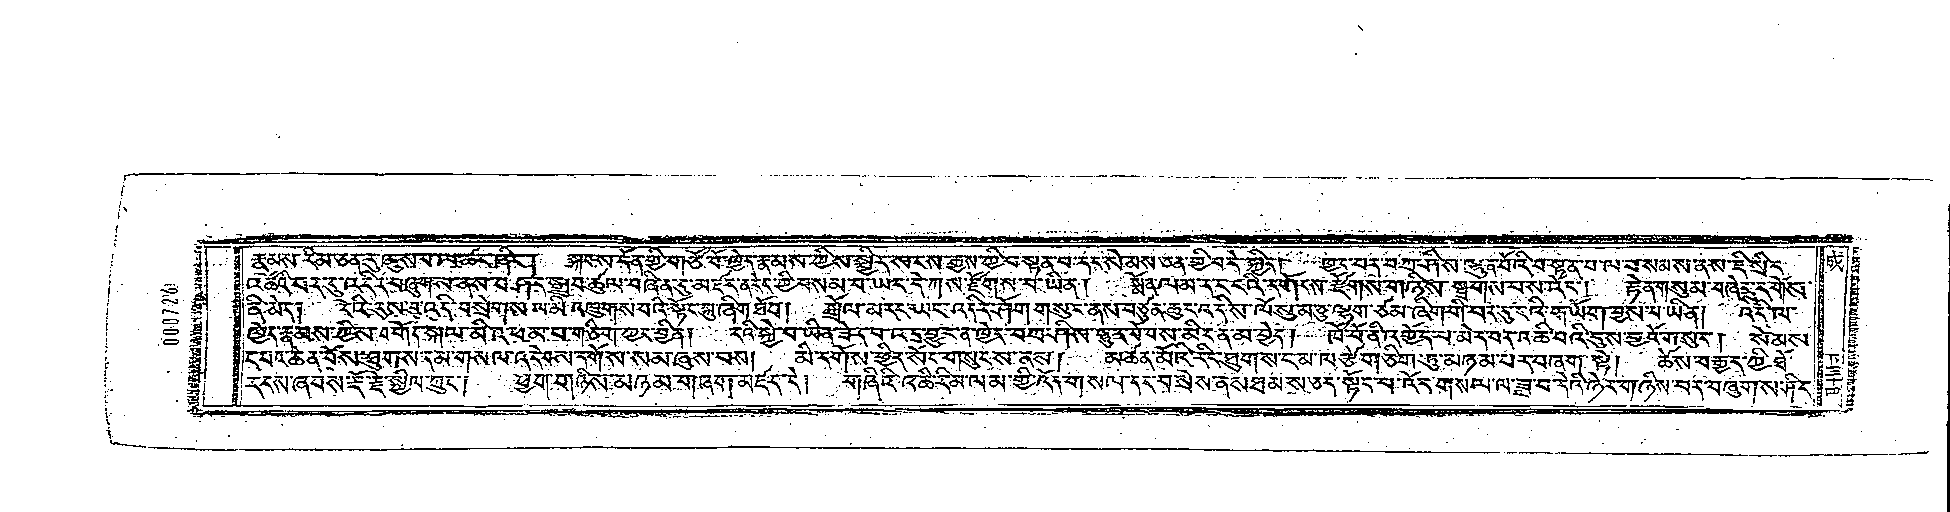རྣམས་རིམ་ཅན་རུ་ཞུས་པ་ལ་ཚང་ཞིང་། སྐབས་དོན་གྱི་གཙོ་བོ་ཁྱེད་རྣམས་ཀྱིས་སྤྱིར་སངས་རྒྱས་ཀྱི་བསྟན་པ་དང་སེམས་ཅན་གྱི་བདེ་སྐྱིད། ཁྱད་པར་བཀྲ་ཤིས་ལྷུན་པོའི་བསྟན་པ་ལ་བསམས་ནས་ཇི་སྲིད་
འཚོའི་བར་དུ་འདིར་བཞུགས་ནས་བཤད་སྒྲུབ་ཚུལ་བཞིན་དུ་མཛད་ན་དེད་ཀྱི་བསམ་བ་ཡང་དེ་ཀས་རྫོགས་པ་ཡིན། སྨོན་ལམ་དང་ངའི་དགོངས་རྫོགས་གཉིས་སྦྲགས་པས་འོང་། རྟེན་གསུམ་བཞེངས་དགོས་
ནི་མེད། དེའི་དུས་བུ་འདི་བསྲེགས་ལ་མི་འཁྲུགས་པའི་སྟོང་སྐུ་ཞིག་ཐོབ། སྒྲོལ་མ་རང་ཡང་འདིར་ཤོག་གསུང་ནས་བཙུན་ཆུང་འདིས་ལོ་སུམ་ཅུ་ལྷག་ཙམ་ཞིག་གི་བར་དུ་ངའི་གཡོག་བྱས་པ་ཡིན། འདི་ལ་
ཁྱེད་རྣམས་ཀྱིས་བགོད་སྐལ་མི་འཕམ་པ་གཅིག་ཀྱང་བྱིན། ངའི་སྐྱེ་བ་ཡིན་ཟེར་བ་འདྲ་བྱུང་ན་ཁྱེད་བཀྲ་ཤིས་ལྷུན་པོ་བས་མིང་ན་མ་བྱེད། ཁོ་བོ་ནི་འགྱོད་པ་མེད་བར་འཆི་བའི་དུས་བྱའོ་གསུང་། སེམས་
དཔའ་ཆེན་པོས་ཐུགས་དམ་གསལ་འདེབས་དགོས་སམ་ཞུས་པས། མི་དགོས་ཕྱིར་སོང་གསུངས་ནས། མཚན་མོའི་རིང་ཐུགས་དམ་ལ་རྩེ་གཅིག་ཏུ་མཉམ་པར་བཞག་སྟེ། ཚེས་བརྒྱད་ཀྱི་ཐོ་
རངས་ཞབས་རྡོ་རྗེ་སྐྱིལ་ཀྲུང་། ཕྱག་གཉིས་མཉམ་གཞག་མཛད་དེ། གཞིའི་འཆི་རིམ་ལམ་གྱི་འོད་གསལ་དང་བསྲེས་ནས་ཐམས་ཅད་སྟོང་པ་འོད་གསལ་ལ་ཟླ་བ་དེའི་ཉེར་གཉིས་བར་བཞུགས་ཤིང་